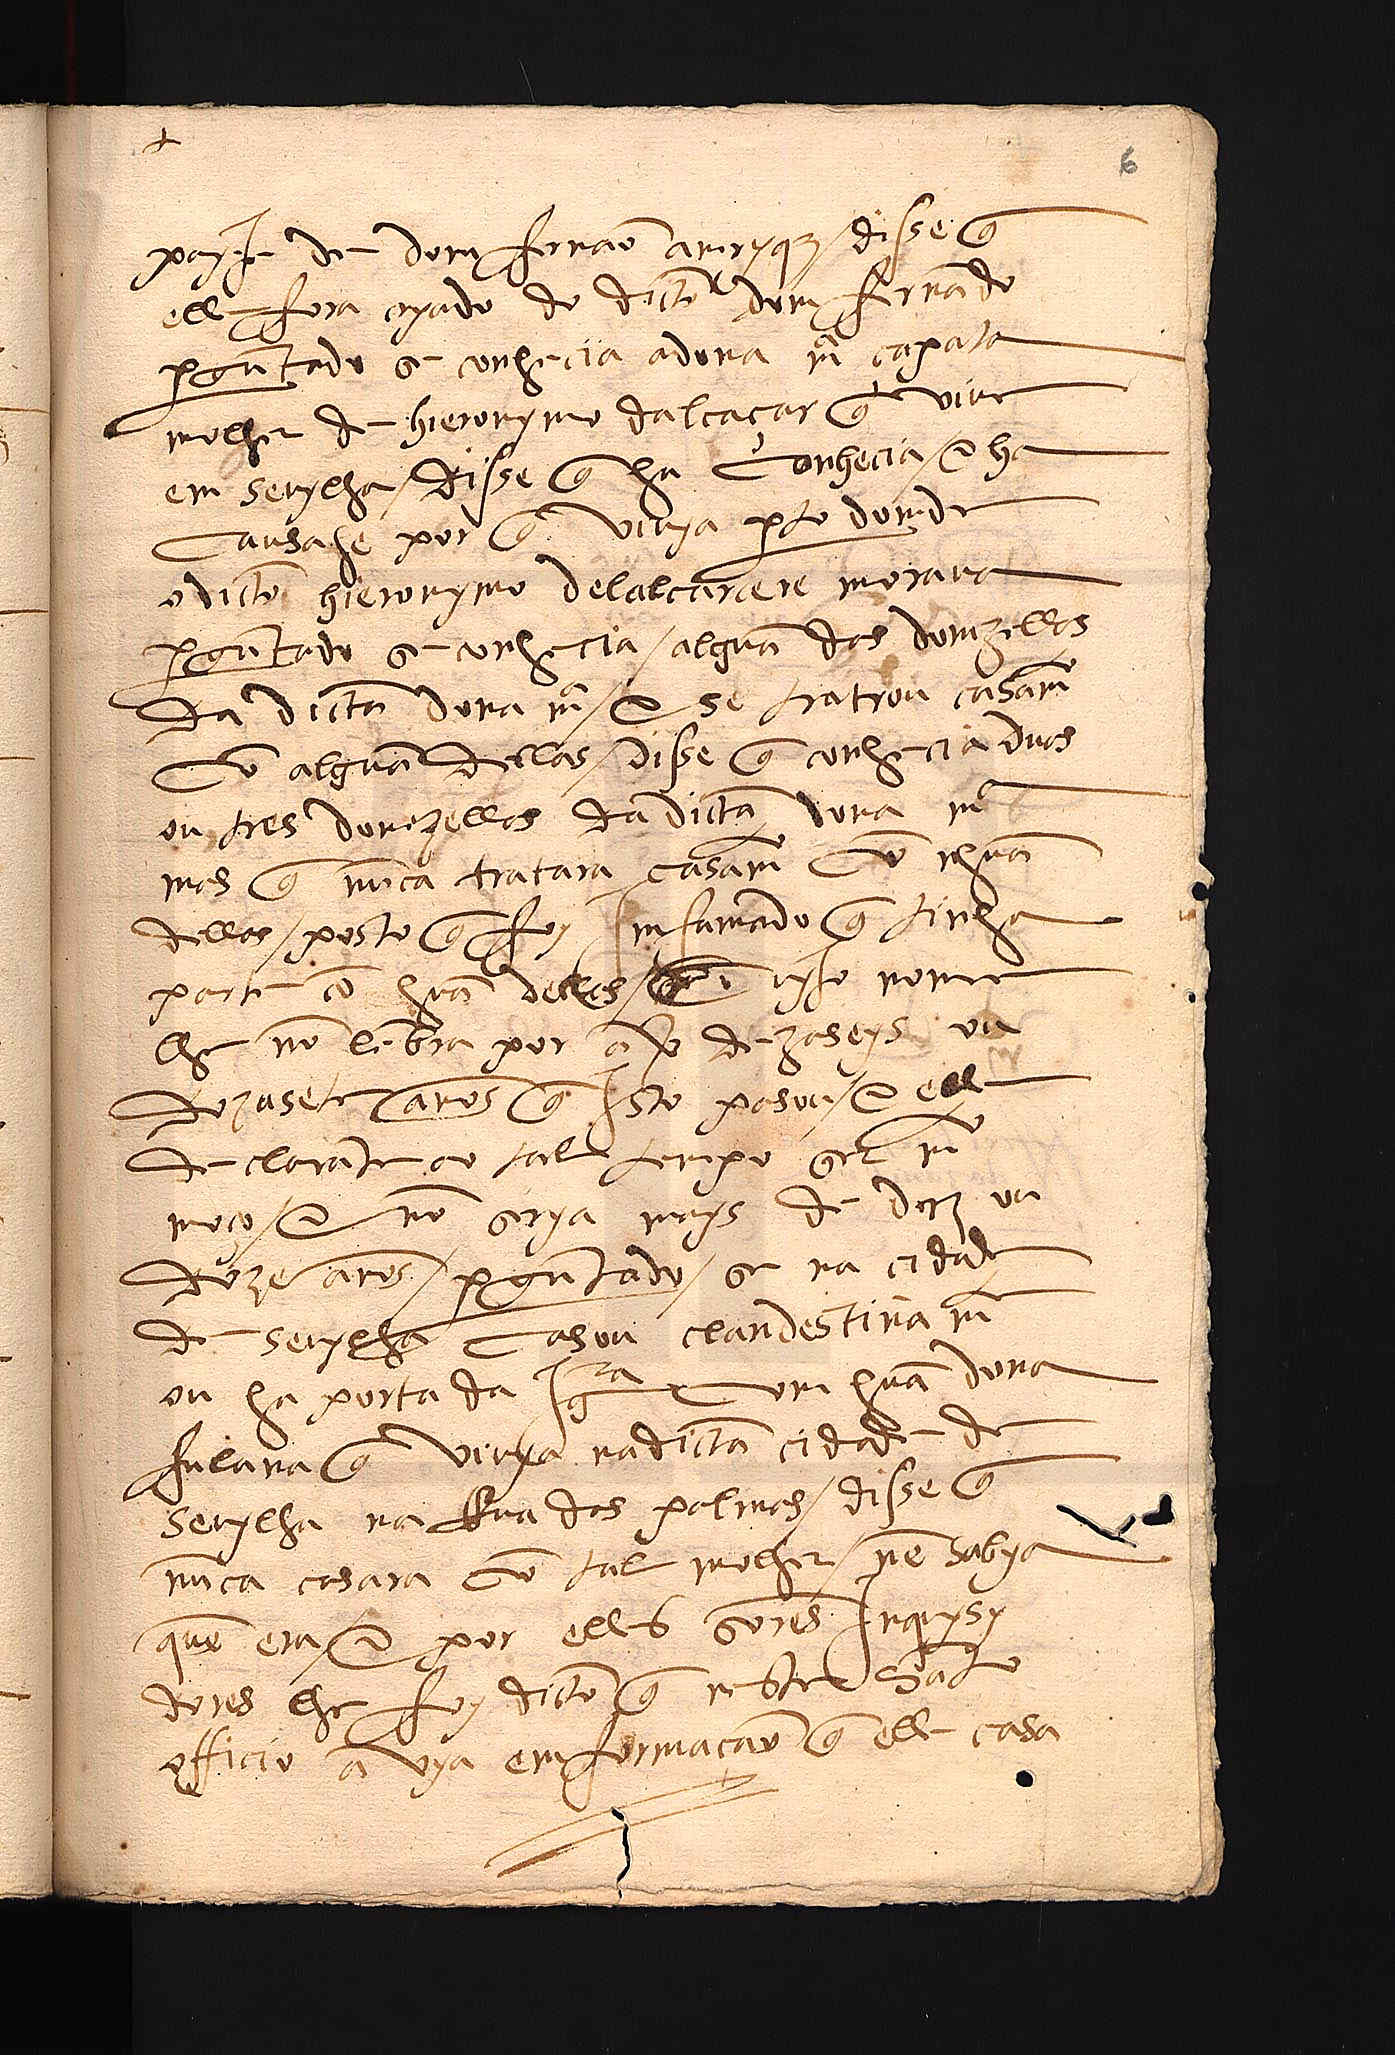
payJe de dom fernão amryqz / disse q̄
elle fora cryado do dīcto dom fernādo
ꝑgūtado se conhecia a dona ma casada
molher de hieronymo dalcaçar q̄ viue
em seuylha / Disse q̄ ha conhecia / e ha
Causa he porq̄ viuya ꝑto domde
o dīcto hieronymo del alcarcere moraua
ꝑgūtado se conhecia / algūa das domzellas
da dīcta dona ma / e se tratrou casamto
Cō algūa dellas / disse q̄ conhecia duas
ou tres domzellas da dīcta dona ma
mas q̄ nūca tratara casamto Cō nhūa
dellas / posto q̄ foy Jmfamado q̄ tinha
parte cō hūa dellas / CuyJo nome
lhe nō lēbra por aꝟ dezaseys ou
dezasete ānos q̄ Jsto pasou / e elle
declarāte ao tal tempo ser mto
moço / e nō serya mays de dez ou
doze ānos / ꝑgūtado / se na cidade
de seuylha casou clandestinamte
ou ha porta da Jgra Com hūa dona
fulana q̄ viuya na dīcta cidade de
seuylha na Rua das palmas / disse q̄
nūca casara cō tal molher / nē sabya
quē era / e por elles s̄ores Jnquysy
dores lhe foy dīcto q̄ neste Sāto
officio avya emformação q̄ elle casa
